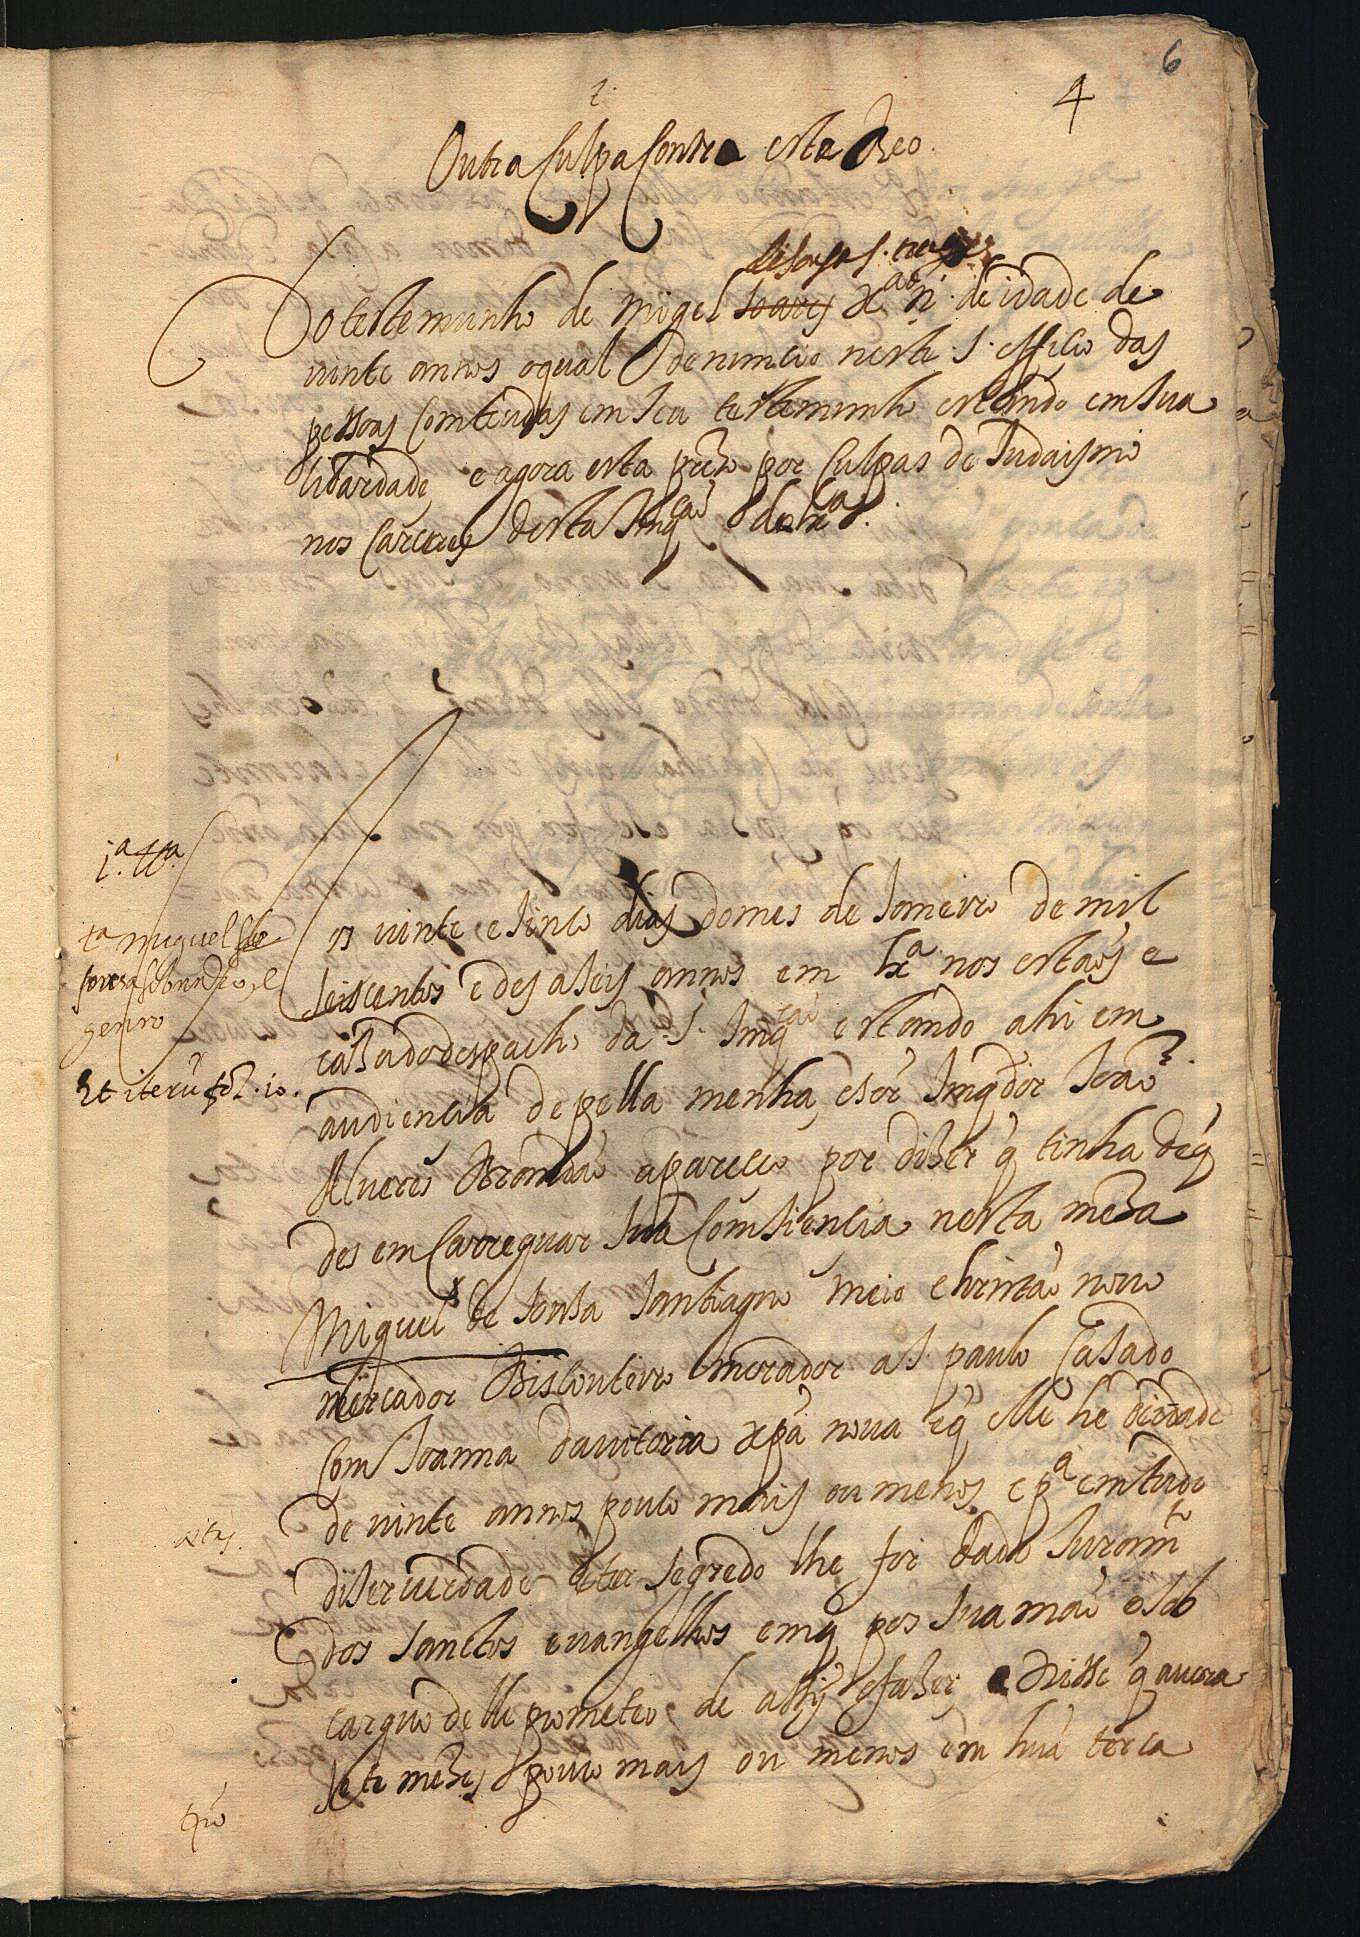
1.a tta.
ta miguel de
sousa sobrinho, e
genro
Et iterū fol. i0.
Outra Culpa Contra este Reo.
Do testemunho de Migel Soares Xao n de idade de
uinte annos o qual denuncio neste .s. officio das
pessoas Comteudas em seu testemunho estando em sua
libardade, e agora esta prezo por Culpas de Iudaismo
nos Carceres desta Imqcaõ de lxa
Aos uinte e sinco dias do mes de Ianeiro de mil
seiscentos e desaseis annos em Lxa nos estaos e
caza do despacho da S. Imqcão estando ahi em
audiençia de pella menha o sor̄ Imq̄dor Ioaõ
Alueres Brandão apareçeo por dizer q̄ tinha de q̄
desemCarreguar sua ComSiençia nesta meza
Miguel de sousa Santiaguo meio christão nouo
mercador Biscouteiro morador a S. paulo Casado
Com Ioanna da uitoria xpā noua e q̄ elle he de idade
de uinte annos pouco mais ou menos, e pa em tudo
diser uerdade e ter segredo lhe foi dado Iuramto
dos Sanctos euangelhos em q̄ pos sua maõ e sob
carguo delle prometeo de assȳ o fazer, e Disse q̄ auera
sete mezes pouco mais ou menos em huā terca
